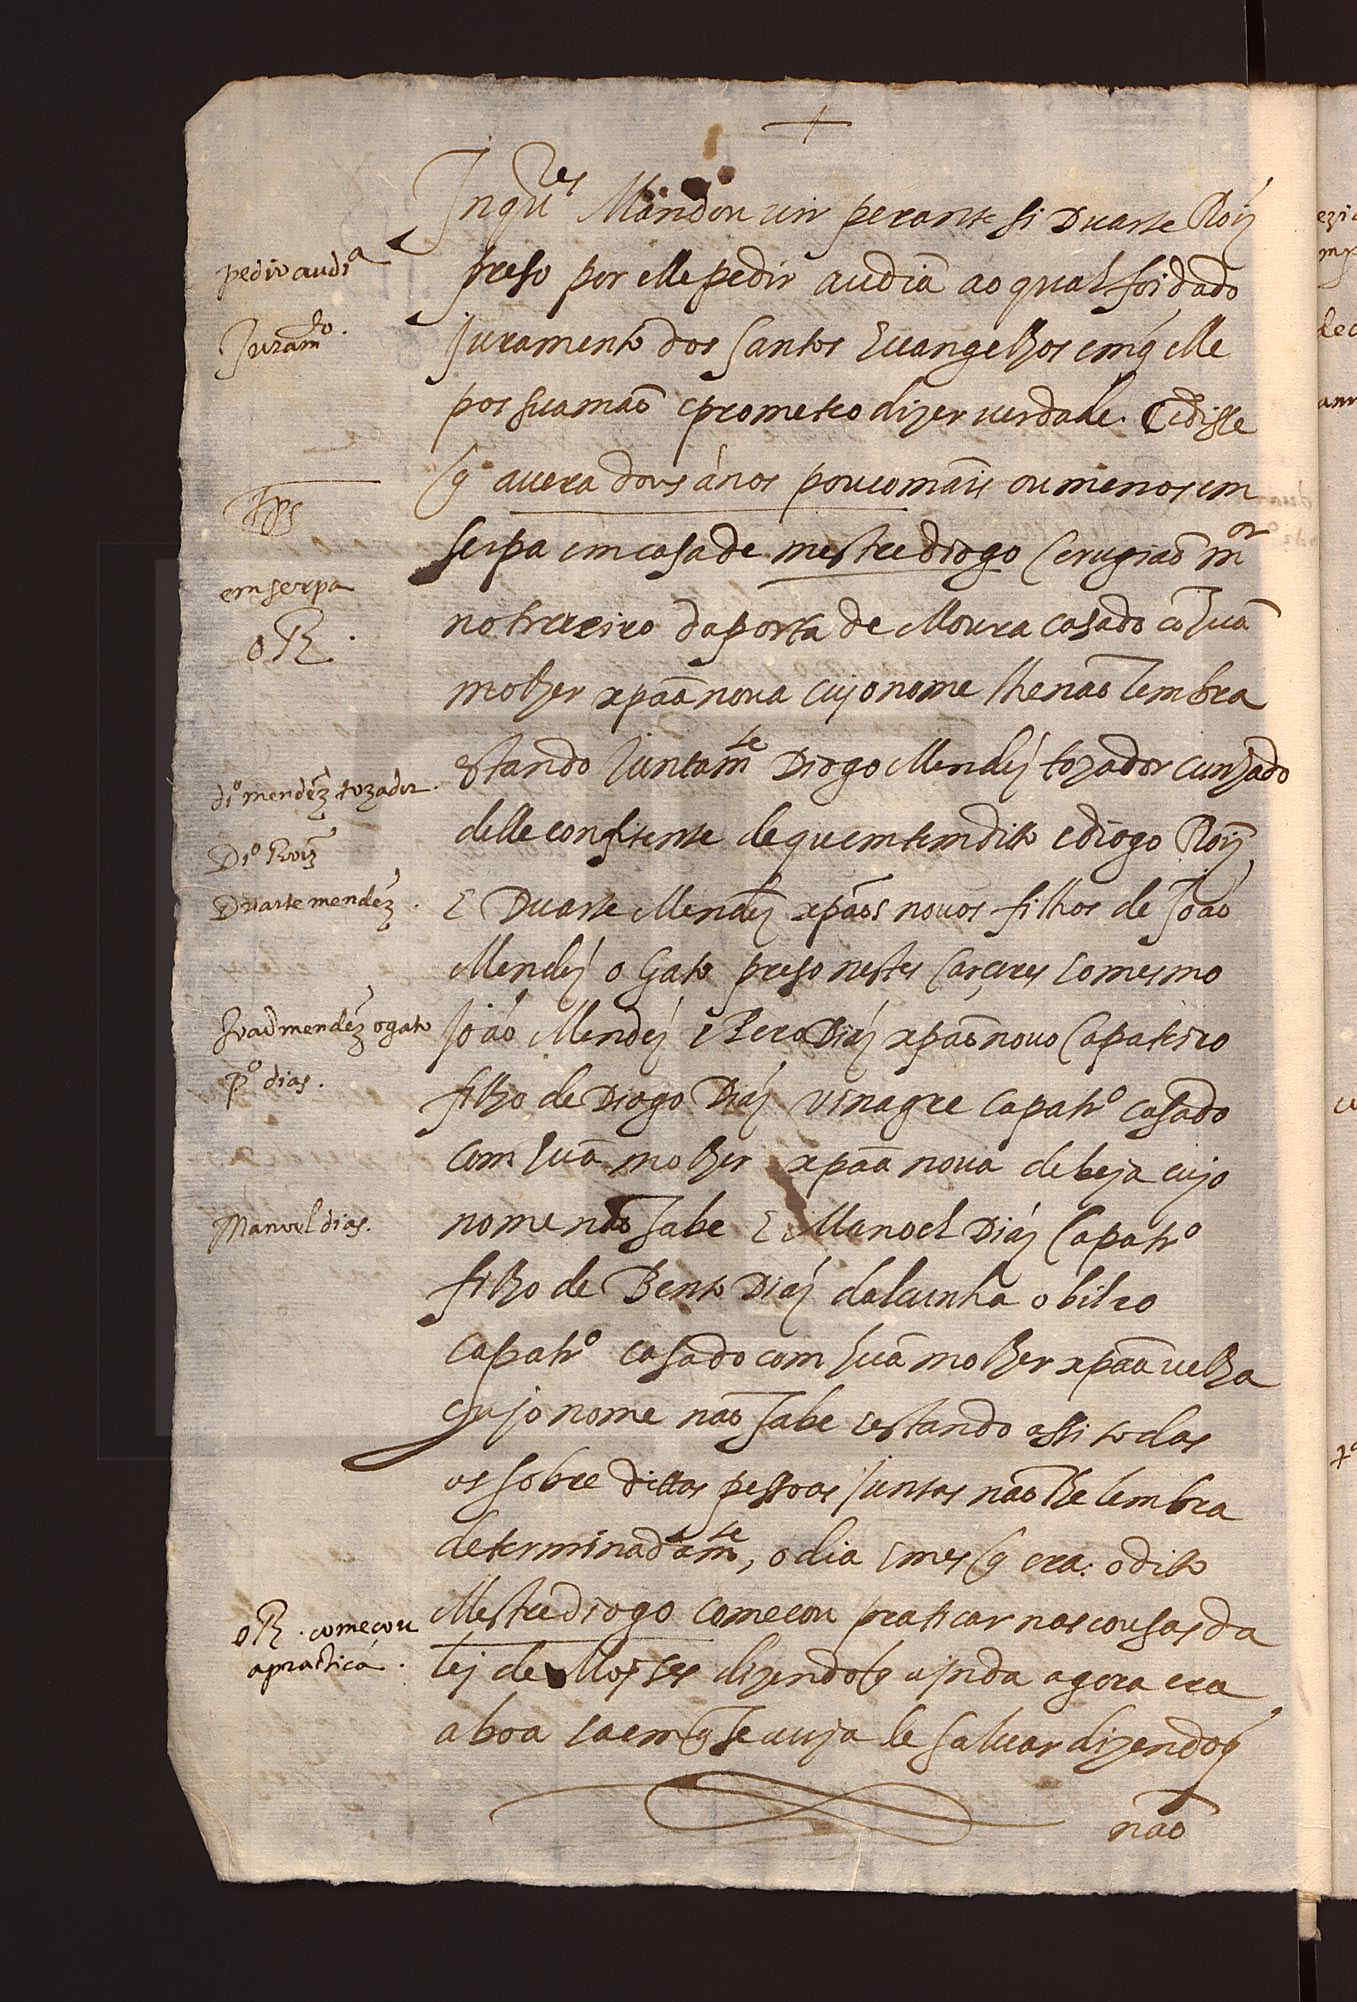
Jnqures Mandou uir perante si Duarte Roiz̄
preso por elle pedir audiā ao qual foi dado
juramento dos Santos Euangelhos em q̄ elle
pos sua maõ e prometeo dizer uerdade. ¶ e disse
q̄ auera dous ānos pouco māis ou menos em
Serpa em casa de mestre diogo Cerugiaõ mor
no terreiro da porta de Moura casado cō huā
molher xpāa noua cujo nome lhe não lembra
estando Iuntamte Diogo Mendez̄ tozador cunhado
delle confitente de quem tem ditto e diogo Roīz
E Duarte Mend̄ez xpãos nouos filhos de Joaõ
Mendez̄ o Gato preso nestes Carçeres E o mesmo
Joaõ Mendez̄ E Pero Diaz̄ xpaõ nouo Capateiro
filho de Diogo Diaz̄ vinagre capatro casado
com huā molher xpāa noua de beja cujo
nome não sabe E Manoel Diaz̄ Capatro
filho de Bento Diaz̄ dalcunha o bilro
capatro casado com huā mulher xpāa uelha
cujo nome não sabe E estando assi todas
as sobre dittas pessoas Juntas não lhe lembra
determinadamte, o dia E mes q̄ era: o ditto
Mestre diogo comecou praticar nas cousas da
lej de Mojses dizendo q̄ ajnda agora era
a boa E a em q̄ se auja de saluar dizendo q̄
não
